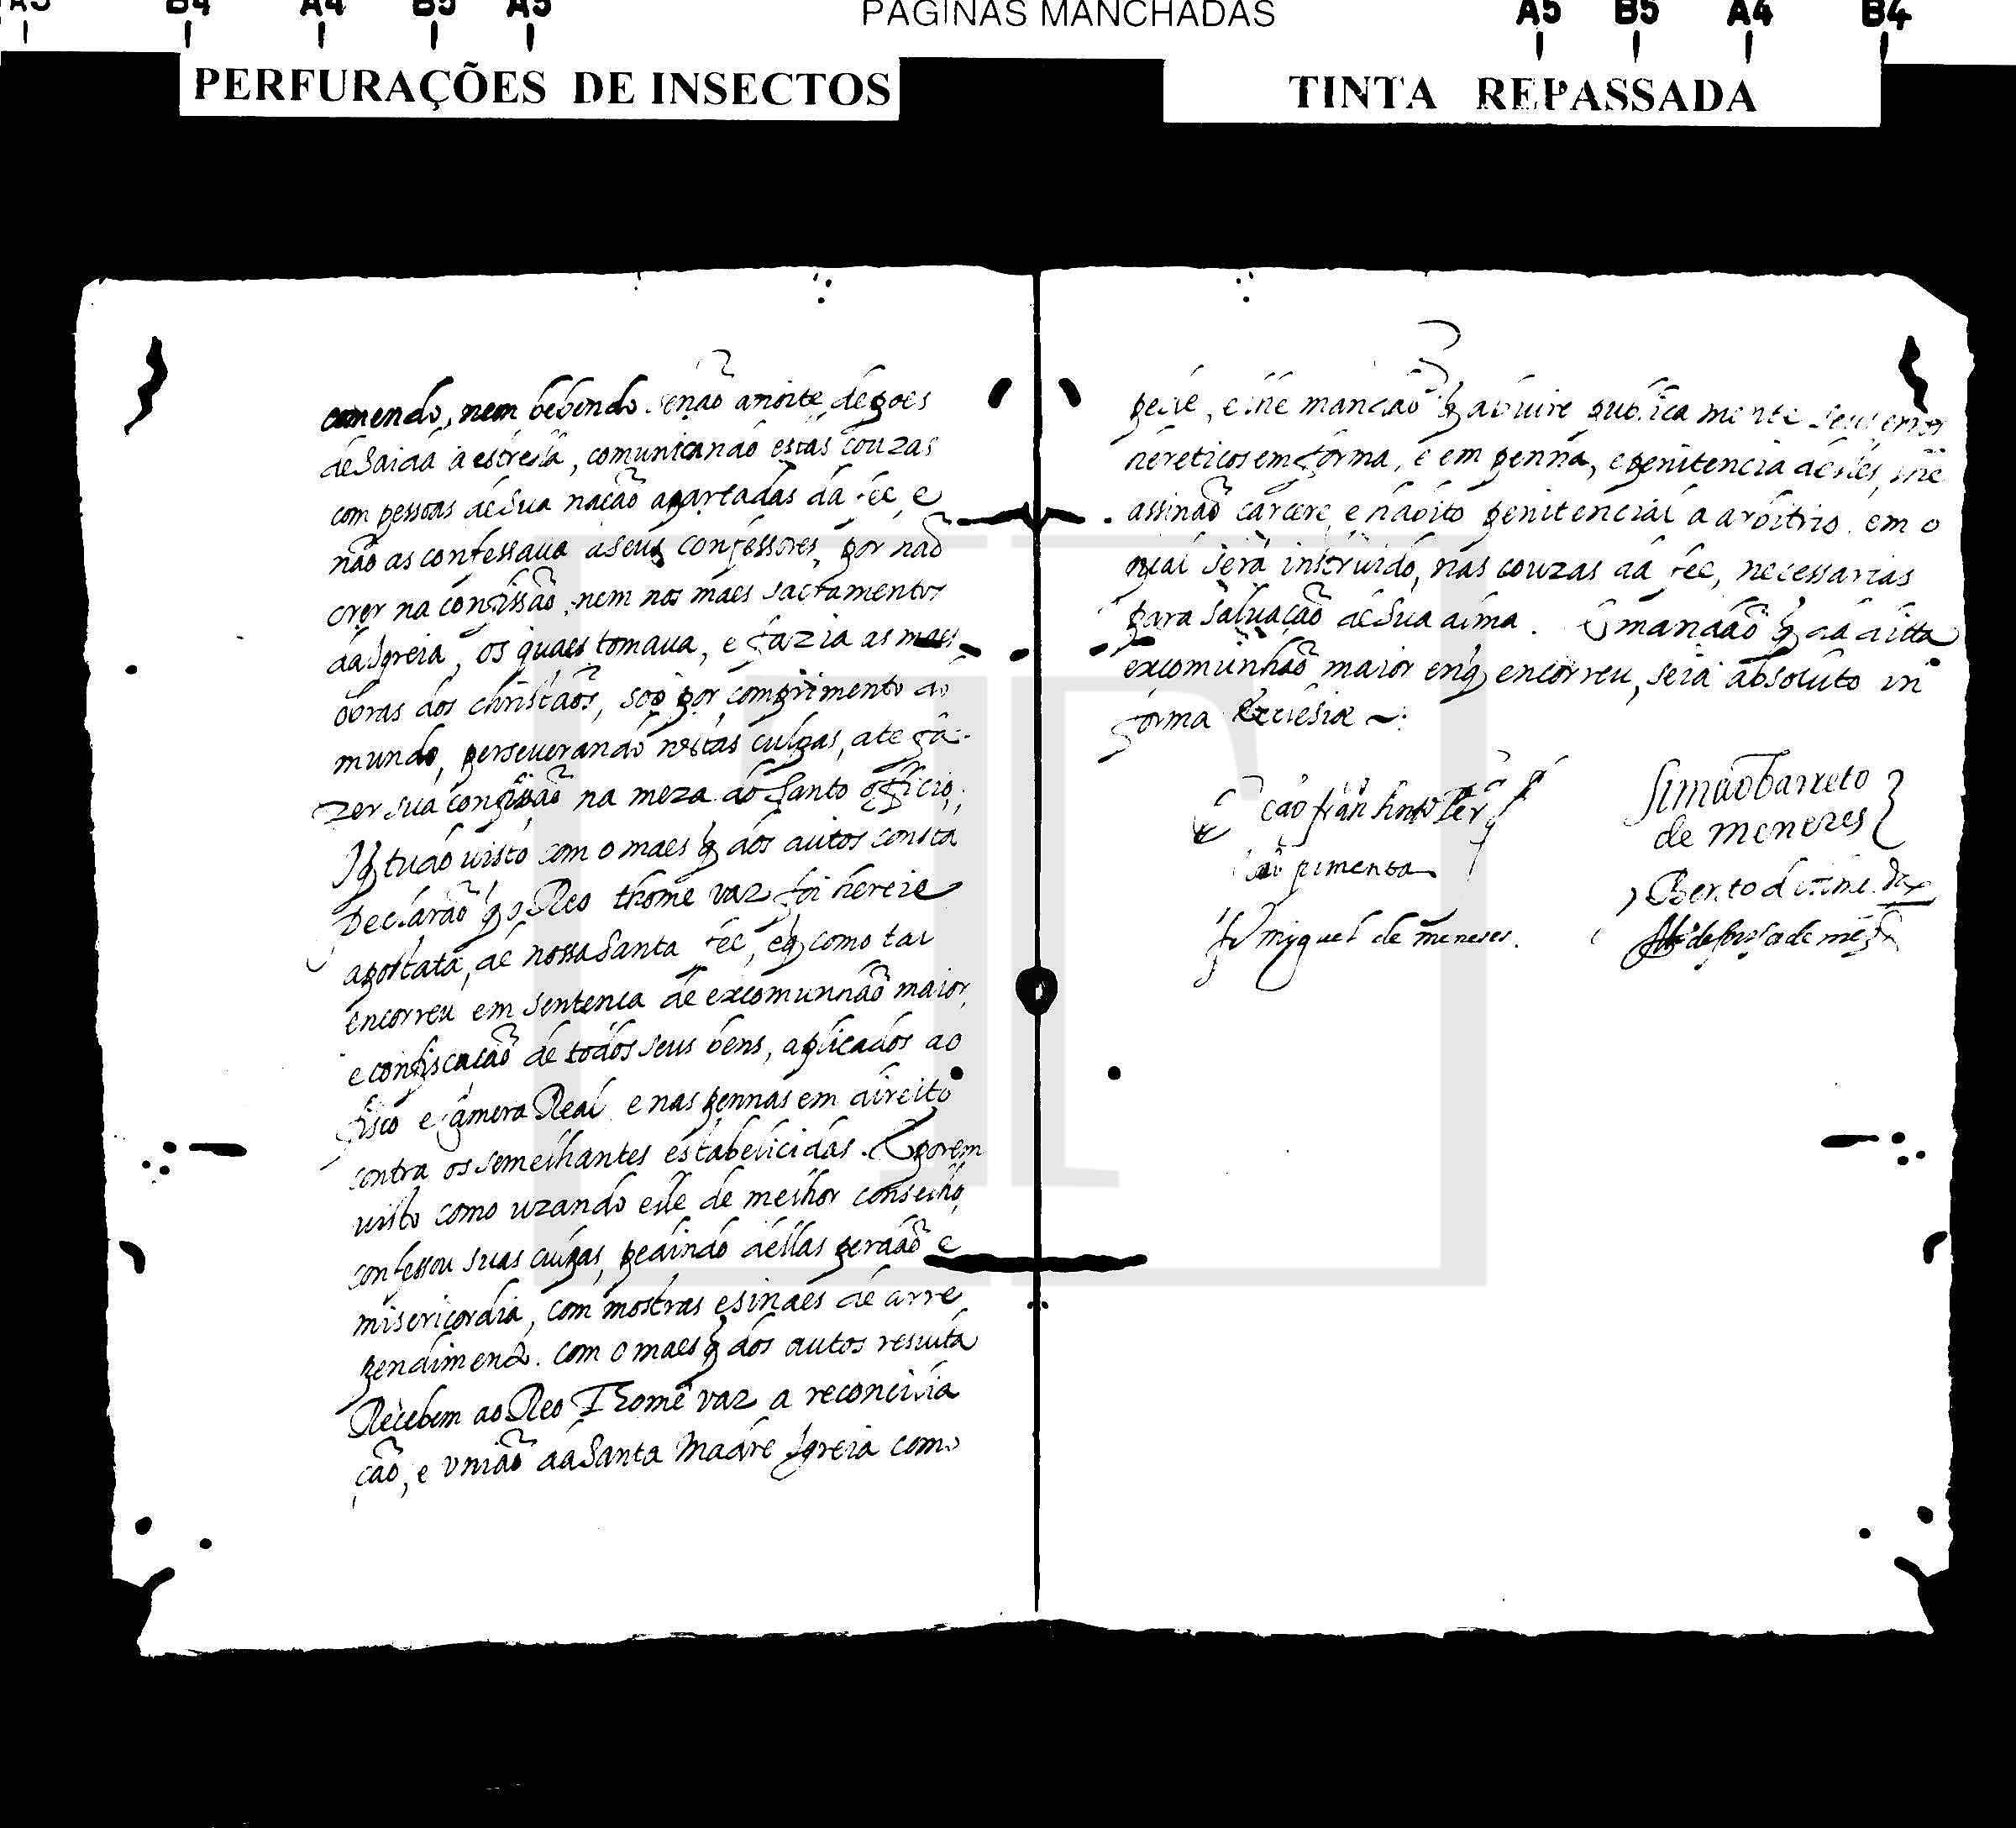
comendo, nem bebendo senão a noite, depoes
de saida a estrella, comunicando estas couzas
com pessoas de sua nação apartadas da fee, e
não as confessaua a seus confessores, por naõ
crer na confissão, nem nos maes sacramentos
da Igreia, os quaes tomaua, e fazia as maes
obras dos christaõs, soo por comprimento do
mundo, perseuerando nestas culpas, ate fa
zer sua confissaõ na meza do Santo officio;
O q̄ tudo visto com o maes q̄ dos autos consta
Declaraõ q̄ o Reo thomé vaz foi hereie
apostata, de nossa Santa fee e q̄ como tal
encorreu em sentença de excomunhaõ maior,
e confiscaçaõ de todos seus bens, aplicados ao
fisco e Camera Real e nas pennas em direito
contra os semelhantes estabelicidas. E porem
uisto como uzando elle de melhor conselho,
confessou suas culpas, pedindo dellas perdão e
misericordia, com mostras e sinaes de arre
pendimento com o maes q̄ dos autos resulta
Recebem o Reo Thomé vaz, a reconcilia
çaõ e uniaõ da Santa Madre Igreia como
pede, e lhe mandão q̄ abiure publicamente seus erros
hereticos em forma, e em penna, e penitencia delles, lhe
assinaõ carcere e habito penitencial a arbitrio em o
qual sera instruido, nas couzas da fee, necessarias
para saluação de sua alma. E mandão q̄ da ditta
excomunhão maior en q̄ encorreu, seia absoluto in
forma ecclesiae.
aõ fran Pinto Per.ã
pimenta
fr miguel de meneses
Simão barreto
de Menezes
Bento d Almeida
Al.ro de Sousa de mez
